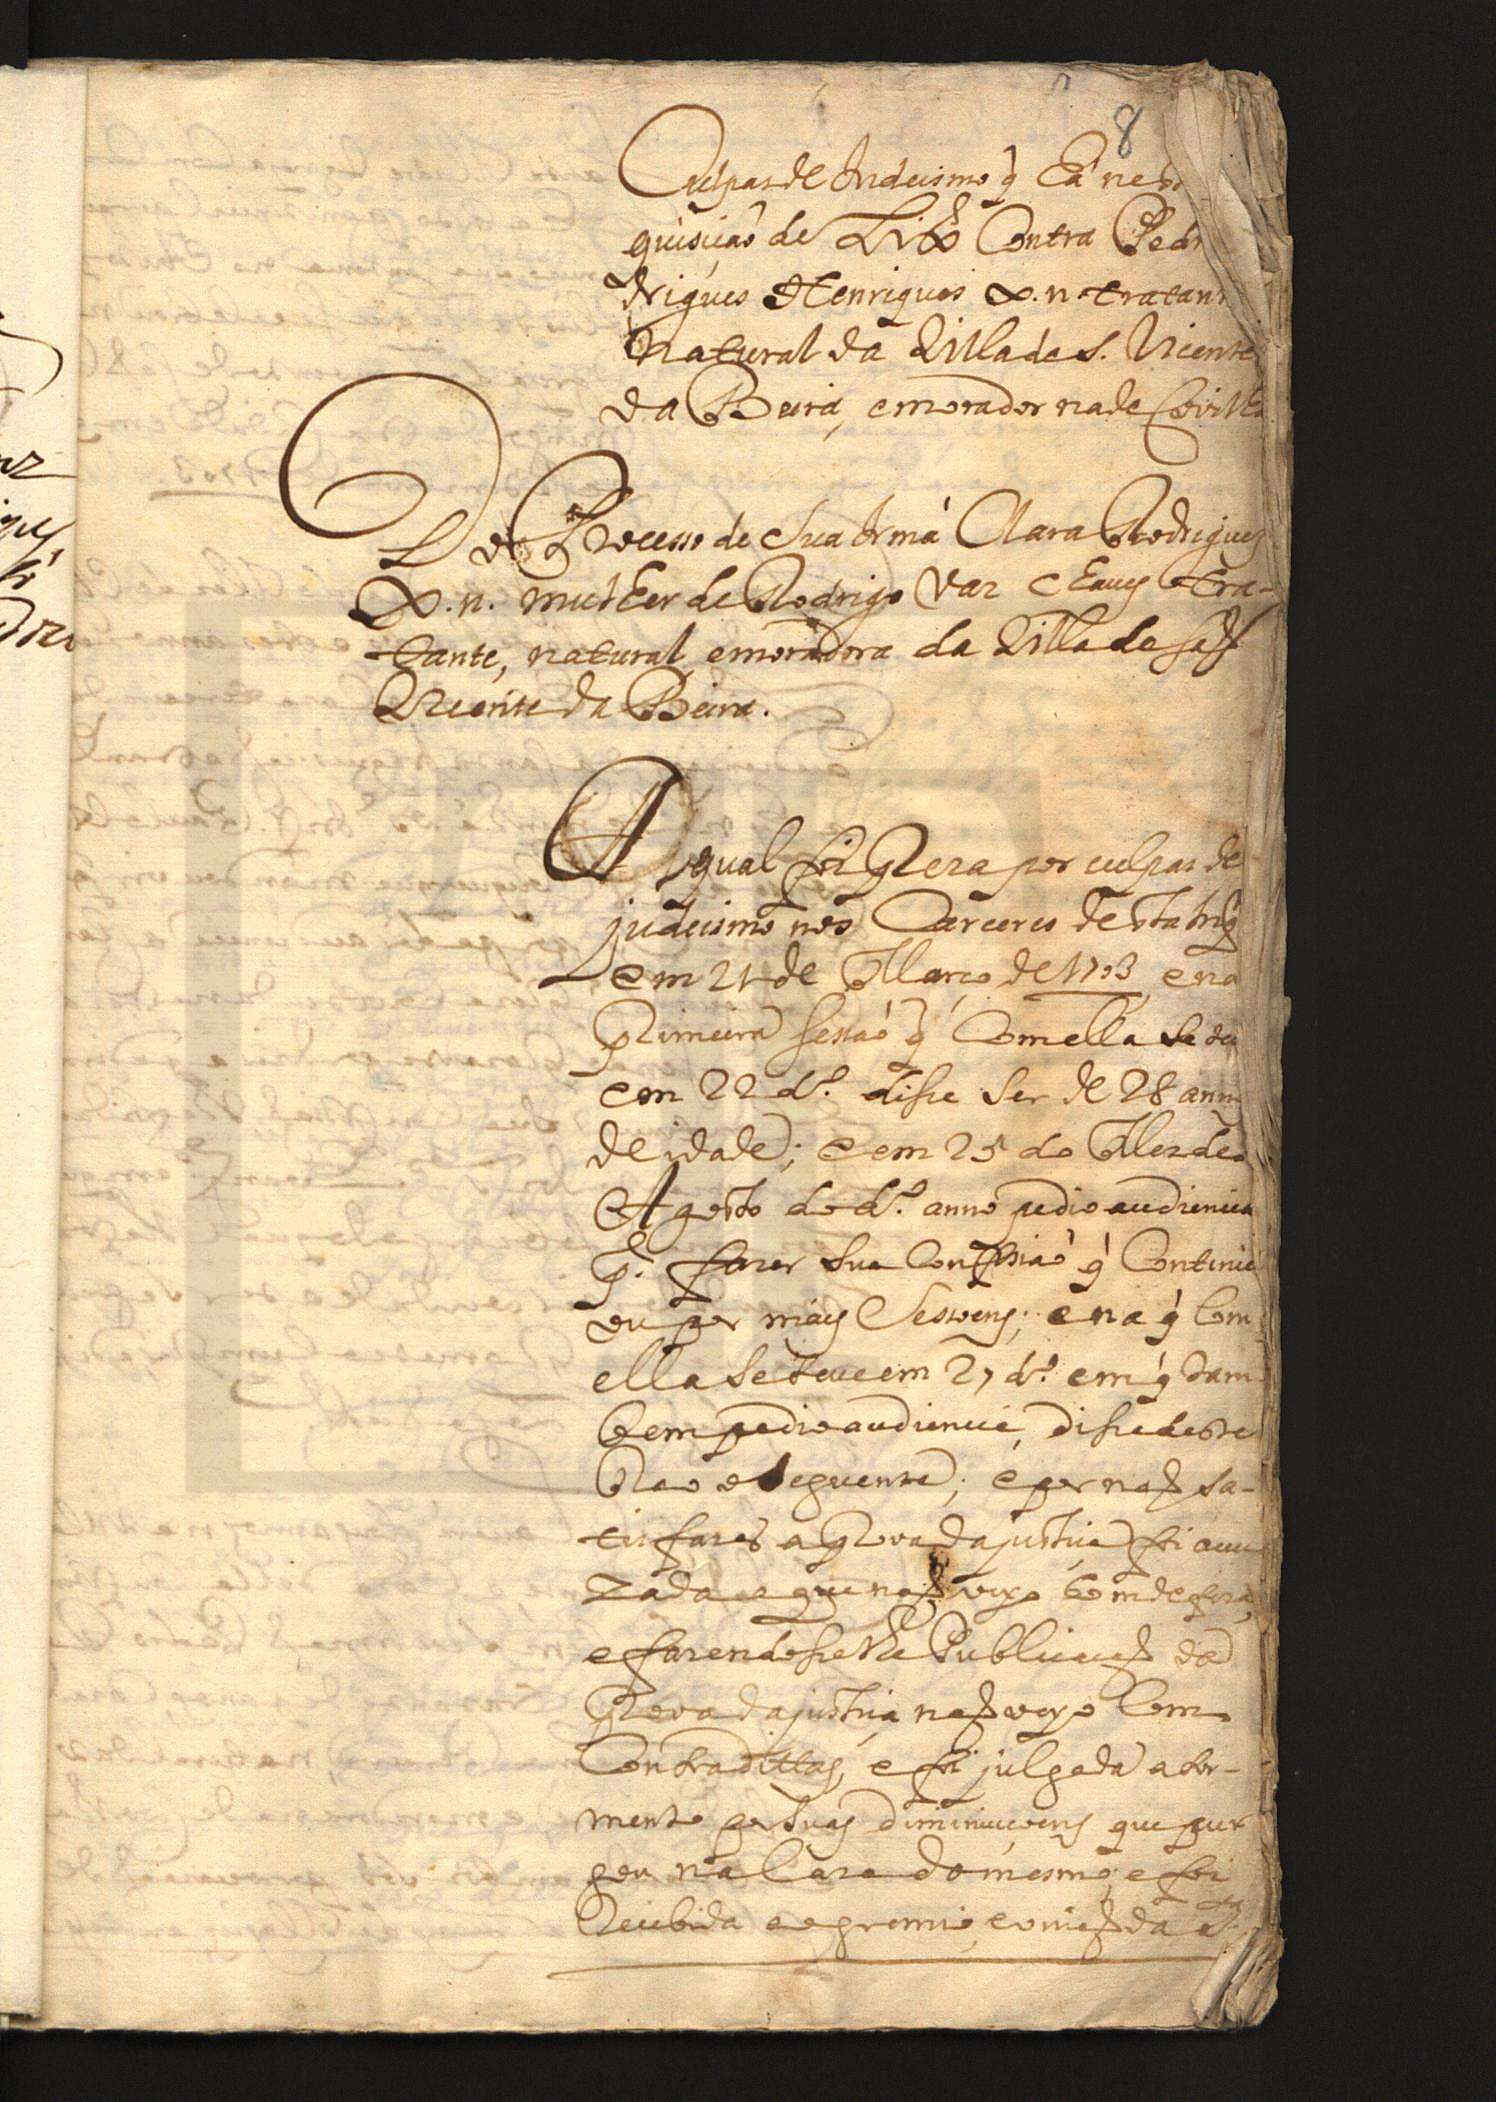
Culpas de Iudaismo q̄ há ne
quisiçaõ de Lixa Contra Pedr
drigues Henriques x. n. tratan
natural da Villa de S. Vicente
da Beira, e morador na de Covilha
Do Processo de Sua Irmã Clara Rodriguez
X. n. mulher de Rodrigo Vaz chaues tra
tante, natural, e moradora da Villa de Saõ
Vicente da Beira.
A qual foi preza por culpas de
judaismo nos Carceres desta Inq̄
em 21 de Março de 1703, e na
primeira sessaõ q̄ Com ella se te
em 22 d.o disse ser de 28 ann
de idade; e em 25 do Mez de
Agosto do d.o anno pedio audiencia
p.a fazer Sua Confissaõ q̄ Continu
ou por mais Sessoens; e na q̄ Com
ella Se teue em 27 d.o em q̄ tam
bem pedio audiencia, disse deste
Reo o seguente; e por naõ sa
tisfazer a prova da justiça foi accu
Zada a que naõ veyo Com defeza,
e fazendosselhe Publicaçaõ da
prova da justiça naõ veyo Com
Contradittas, e foi julgada a tor
mento por Suas diminuiçoens que pur
gou na Caza do mesmo; e foi
Recebida ao gremio, e vniaõ da S.ta
